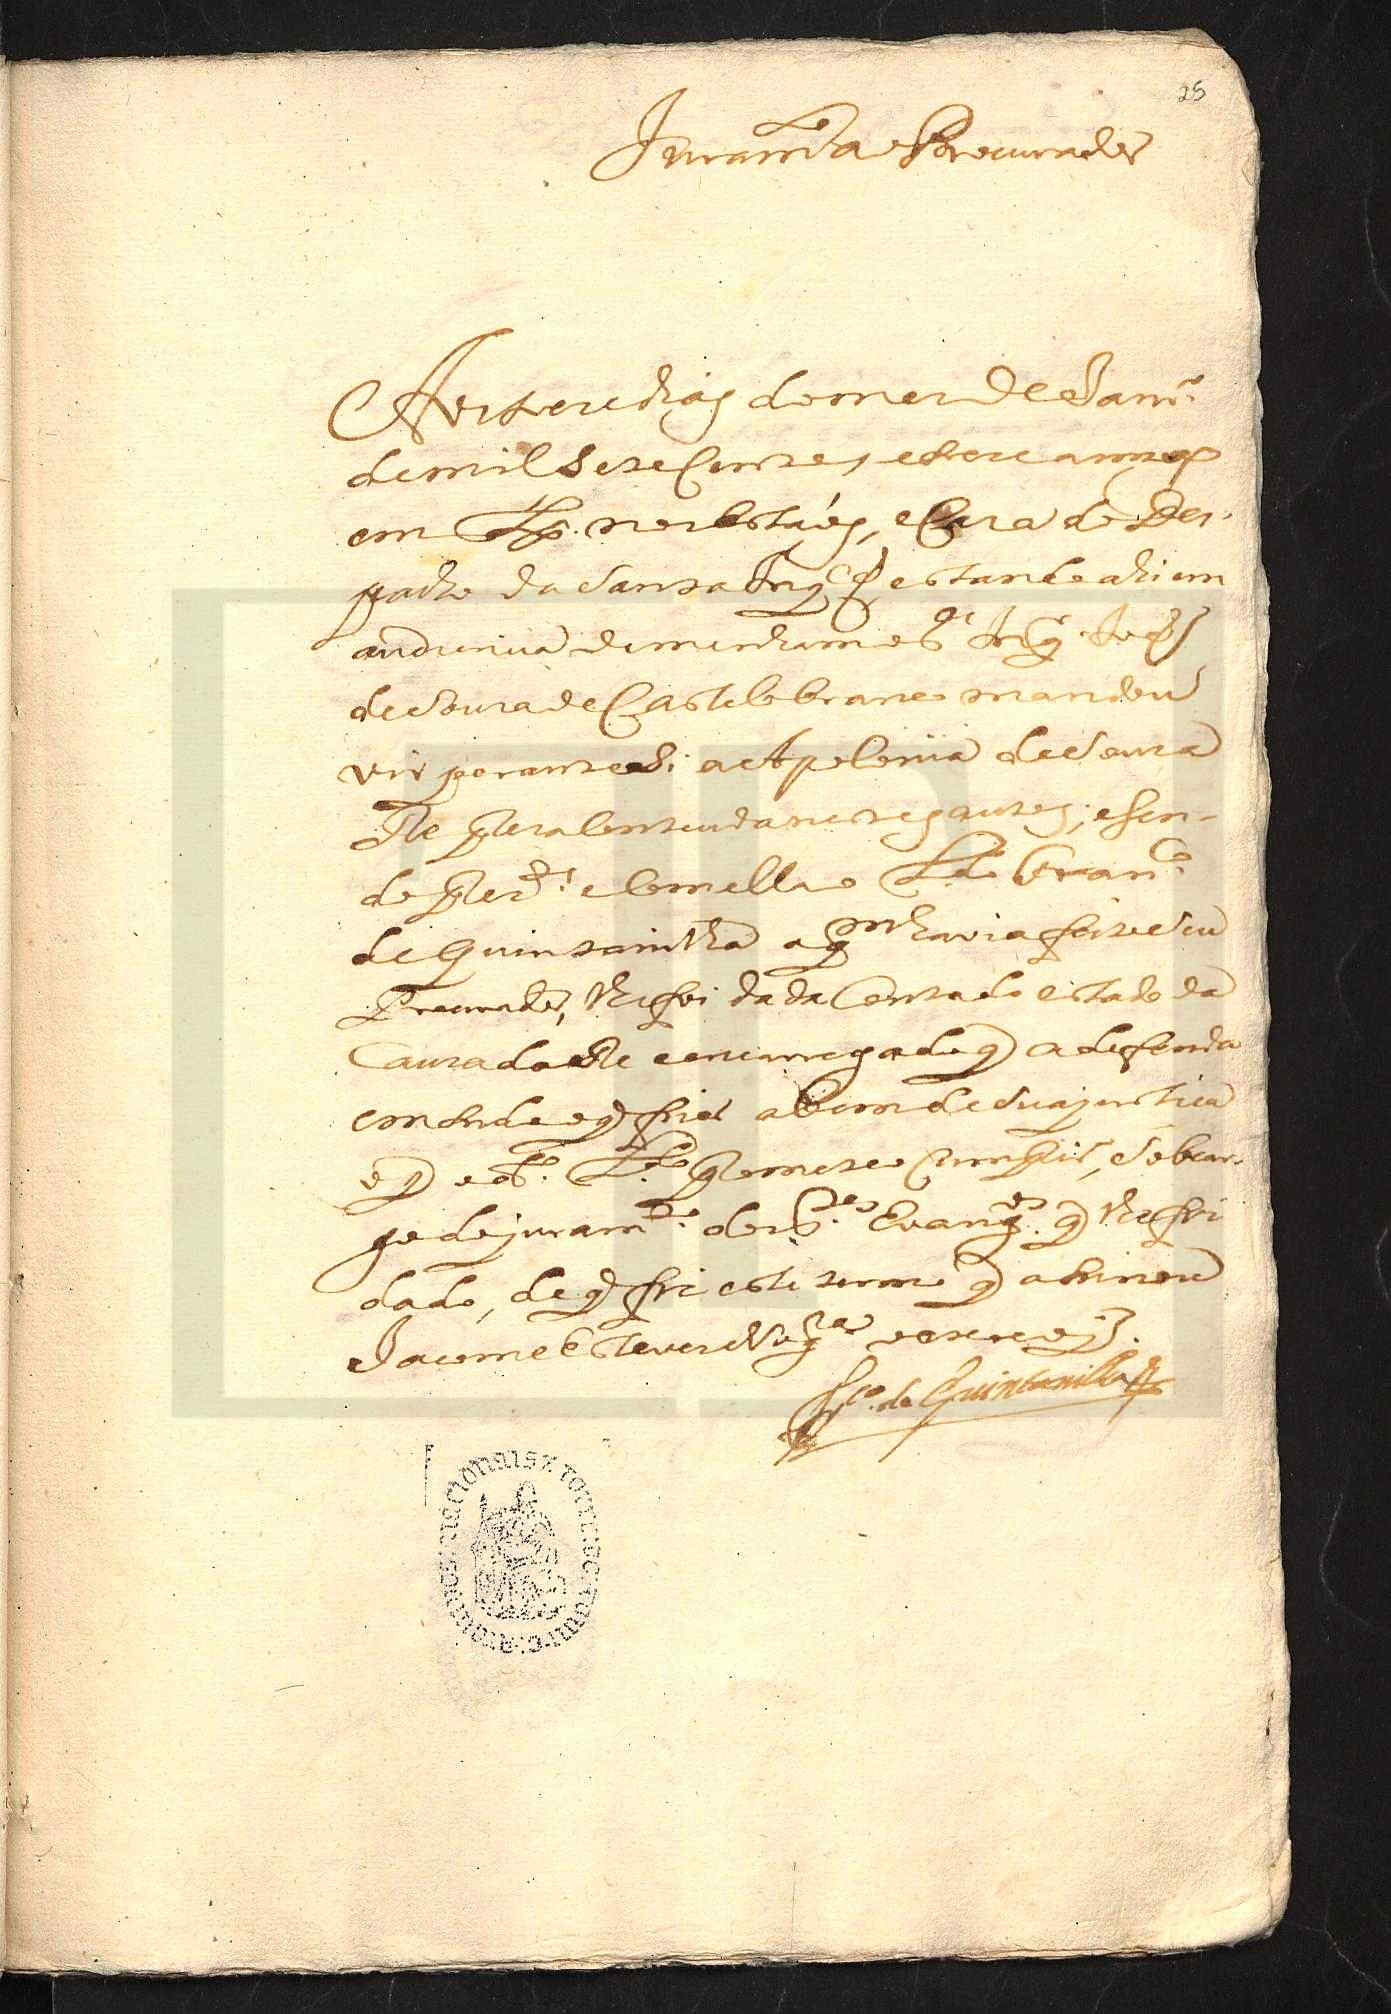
Juramto ao Procurador
Aos tres dias do mes de Ianr.o
de mil seteCentos e treze annos
em Lx. nos Estaós, e Caza do Des
pacho da Santa Inqçaõ, estando ahi em
audienca de menham o sor Inqr Ioaõ
de Souza de Castelo branco mandou
vir perante si a Apolonia de souza
Re pReza conteuda nestes autos; e sen
do pRez.te e Com ella o Ldo Franco.
de quintanilha a qm havia feito seu
Procurador, lhe foi dada Conta do estado da
Cauza da Re e encarregado q̄ a defenda
em tudo o q̄ fizer a bem de sua justiça
o q̄ o d̄.o L.do pRometeo Cumprir, Sob car
go do juram.to dos s.tos Evang.os q̄ lhe foi
dado, de q̄ fiz este termo q̄ assinou
Iacome Esteves Nogra o escrevj.
Frco de Quintanilha
